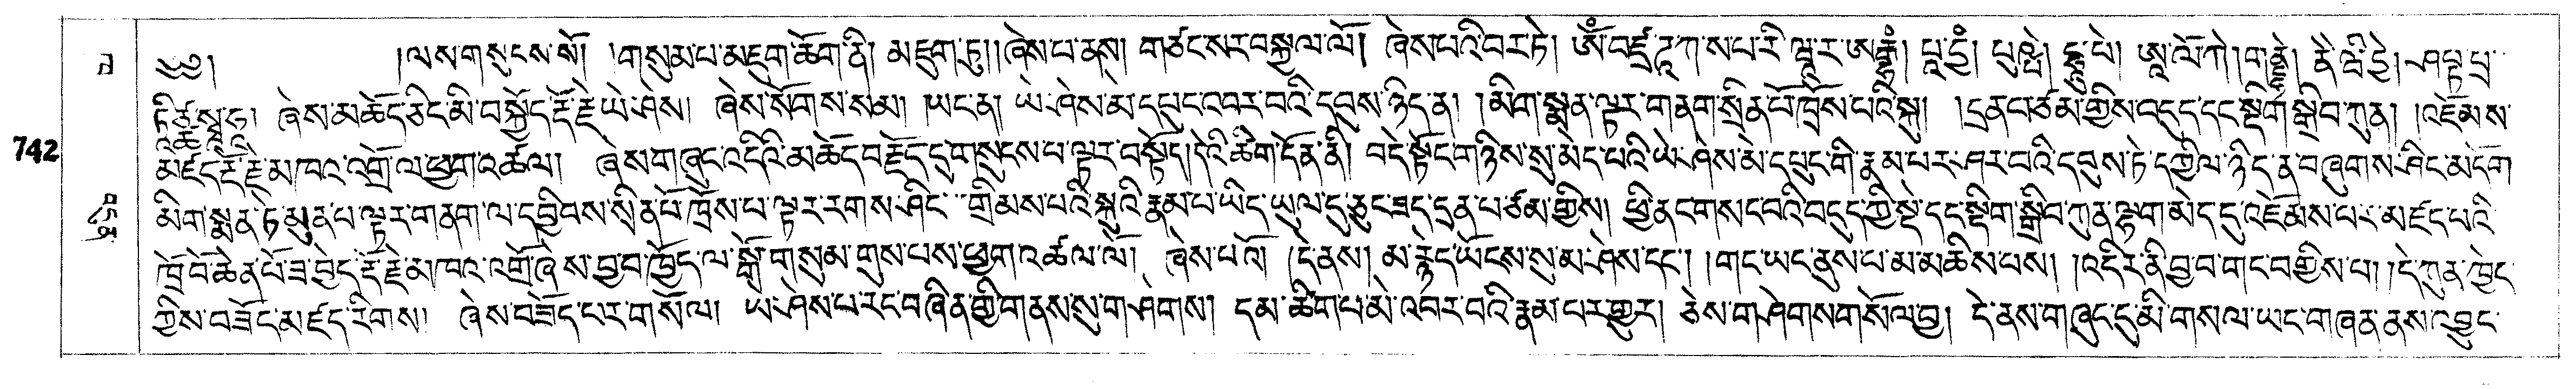༄༅། །ལས་གསུངས་སོ། །གསུམ་པ་མཇུག་ཆོག་ནི། མཇུག་ཏུ། །ཞེས་པ་ནས། གཙང་སར་བསྐྱལ་ལོ། ཞེས་པའི་བར་ཏེ། ཨོཾ་བཛྲ་ཌཱ་ཀ་ས་པ་རི་ཝཱ་ར་ཨརྒྷཾ། པཱ་དྱཾ། པུཥྤེ། དྷཱུ་པེ། ཨཱ་ལོ་ཀེ། གནྡྷེ། ནཻ་ཝི་དྱེ། ཤཔྟ་པྲ་
ཏཱི་ཙྪ་སྭཱཧཱ། ཞེས་མཆོད་ཅིང་མི་བསྐྱོད་རྡོ་རྗེ་ཡེ་ཤེས། ཞེས་སོགས་སམ། །ཡང་ན། ཡེ་ཤེས་མེ་དཔུང་འབར་བའི་དབུས་ཉིད་ན། །མིག་སྨན་ལྟར་གནག་སྲིན་པོ་ཁྲོས་པའི་སྐུ། །དྲན་པ་ཙམ་གྱིས་བདུད་དང་སྡིག་སྒྲིབ་ཀུན། །འཇོམས་
མཛད་རྡོ་རྗེ་མཁའ་འགྲོ་ལ་ཕྱག་འཚལ། ཞེས་གཞུང་འདིའི་མཆོད་བརྗོད་དུ་གསུངས་པ་ལྟར་བསྟོད། དེའི་ཚིག་དོན་ནི། བདེ་སྟོང་གཉིས་སུ་མེད་པའི་ཡེ་ཤེས་མེ་དཔུང་གི་རྣམ་པར་ཤར་བའི་དབུས་ཏེ་དཀྱིལ་ཉིད་ན་བཞུགས་ཤིང་མདོག་
མིག་སྨན་ཏེ་མུན་པ་ལྟར་གནག་ལ་དབྱིབས་སྲིན་པོ་ཁྲོས་པ་ལྟར་རགས་ཤིང་གྲིམས་པའི་སྐུའི་རྣམ་པ་ཡིད་ཡུལ་དུ་ཅུང་ཟད་དྲན་པ་ཙམ་གྱིས། ཕྱི་ནང་གསང་བའི་བདུད་ཀྱི་སྡེ་དང་སྡིག་སྒྲིབ་ཀུན་ལྷག་མེད་དུ་འཇོམས་པར་མཛད་པའི་
ཁྲོ་བོ་ཆེན་པོ་ཟ་བྱེད་རྡོ་རྗེ་མཁའ་འགྲོ་ཞེས་བྱ་བ་ཁྱོད་ལ་སྒོ་གསུམ་གུས་པས་ཕྱག་འཚལ་ལོ། ཞེས་པའོ། །དེ་ནས། མ་རྙེད་ཡོངས་སུ་མ་ཤེས་དང་། །གང་ཡང་ནུས་པ་མ་མཆིས་པས། །འདིར་ནི་བྱ་བ་གང་བགྱིས་པ། །དེ་ཀུན་ཁྱེད་
ཀྱིས་བཟོད་མཛད་རིགས། ཞེས་བཟོད་པར་གསོལ། ཡེ་ཤེས་པ་རང་བཞིན་གྱི་གནས་སུ་གཤེགས། དམ་ཚིག་པ་མེ་འབར་བའི་རྣམ་པར་གྱུར། ཅེས་གཤེགས་གསོལ་བྱ། དེ་ནས་གཞུང་དུ་མི་གསལ་ཡང་གཞན་ནས་འབྱུང་